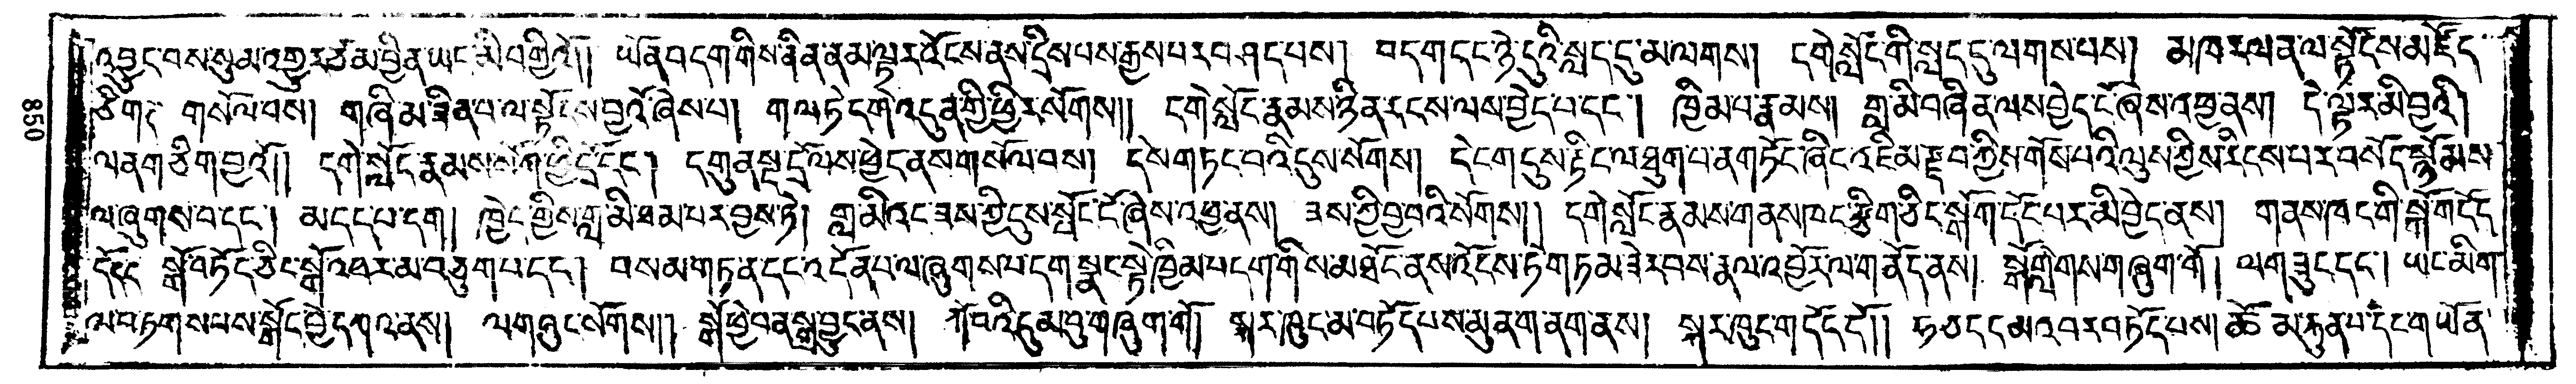འབྱུང་བས་སུམ་འགྱུར་ཙམ་བྱིན་ཡང་མི་བགྱིའོ།། ཡོན་བདག་གིས་ནིན་ནམ་ལྟར་འོངས་ནས་དྲིས་པས་རྒྱས་པར་བཤད་པས། བདག་དང་ཉེ་དུའི་སླད་དུ་མ་ལགས། དགེ་སློང་གི་སླད་དུ་ལགས་པས། མཁར་ལན་ལ་སྟོངས་མཛོད་
ཅིག༑ གསོལ་བས། གཞི་མ་ཟིན་པ་ལ་སྟོངས་བྱའོ་ཞེས་པ། གལ་ཏེ་དགེ་འདུན་གྱི་ཕྱིར་སོགས།། དགེ་སློང་རྣམས་ཉིན་རངས་ལས་བྱེད་པ་དང་། ཁྱིམ་པ་རྣམས། གླ་མི་བཞིན་ལས་བྱེད་དོ་ཞེས་འཕྱ་ནས། དེ་ལྟར་མི་བྱའི།
ལན་གཅིག་བྱའོ།། དགེ་སློང་རྣམས་སོག་ཕྱི་དྲོ་དང་། དགུན་སྔ་དྲོ་ལས་ཕྱེད་ནས་གསོལ་བས། དེས་གཏང་བའི་དུས་སོགས། དེ་དག་དུས་རྟིང་ལ་ཐུག་པ་ན་གཏོང་ཞིང་འཇིམ་རྫབ་ཀྱིས་གོས་པའི་ལུས་ཀྱིས་རིངས་པར་བསོད་སྙོམས་
ལ་ཞུགས་པ་དང་། མདད་པ་དག། ཁྱེད་གྱིས་གླ་མི་ཐམ་པར་བྱས་ཏེ། གླ་མིའང་ཟས་ཀྱི་དུས་སྤོང་ངོ་ཞེས་འཕྱ་ནས། ཟས་ཀྱི་བྱ་བའི་སོགས།། དགེ་སློང་རྣམས་གནས་ཁང་རྩིག་ཅིང་སྒོ་གདོད་པར་མི་བྱེད་ནས། གནས་ཁང་གི་སྒོ་གདོད་
དོད༑ སྒོ་བཏོད་ཅིང་སྒོ་འཕར་མ་བཅུག་པ་དང་། བསམ་གཏན་དང་འདོན་པ་ལ་ཞུགས་པ་དག་སྣང་སྟེ་ཁྱིམ་བདག་གིས་མཐོང་ནས་འོངས་ཏེ་གཏམ་ཟེར་བས་རྣལ་འབྱོར་ལ་གནོད་ནས། སྒོ་གླེགས་གཞུག་གོ། ལ་གཟུང་དང་། ཡང་མིག་
ལ་བཏགས་པས་སྒོད་བྱེ་དཀའ་ནས། ལག?་ཞུང་སོགས།། སྒོ་ཕྱེ་བ་ན་སྒྲ་བྱུང་ནས། ཀོ་བའི་དུམ་བུ་གཞུག་གོ། སྐར་ཁུང་མ་བཏོད་པས་མུན་གནག་ནས། སྐར་ཁུང་གདོད་དོ།། ཧ་ཅང་དམའ་བར་བཏོད་པས། ཆོམ་རྐུན་པ་དང་གཡོན་